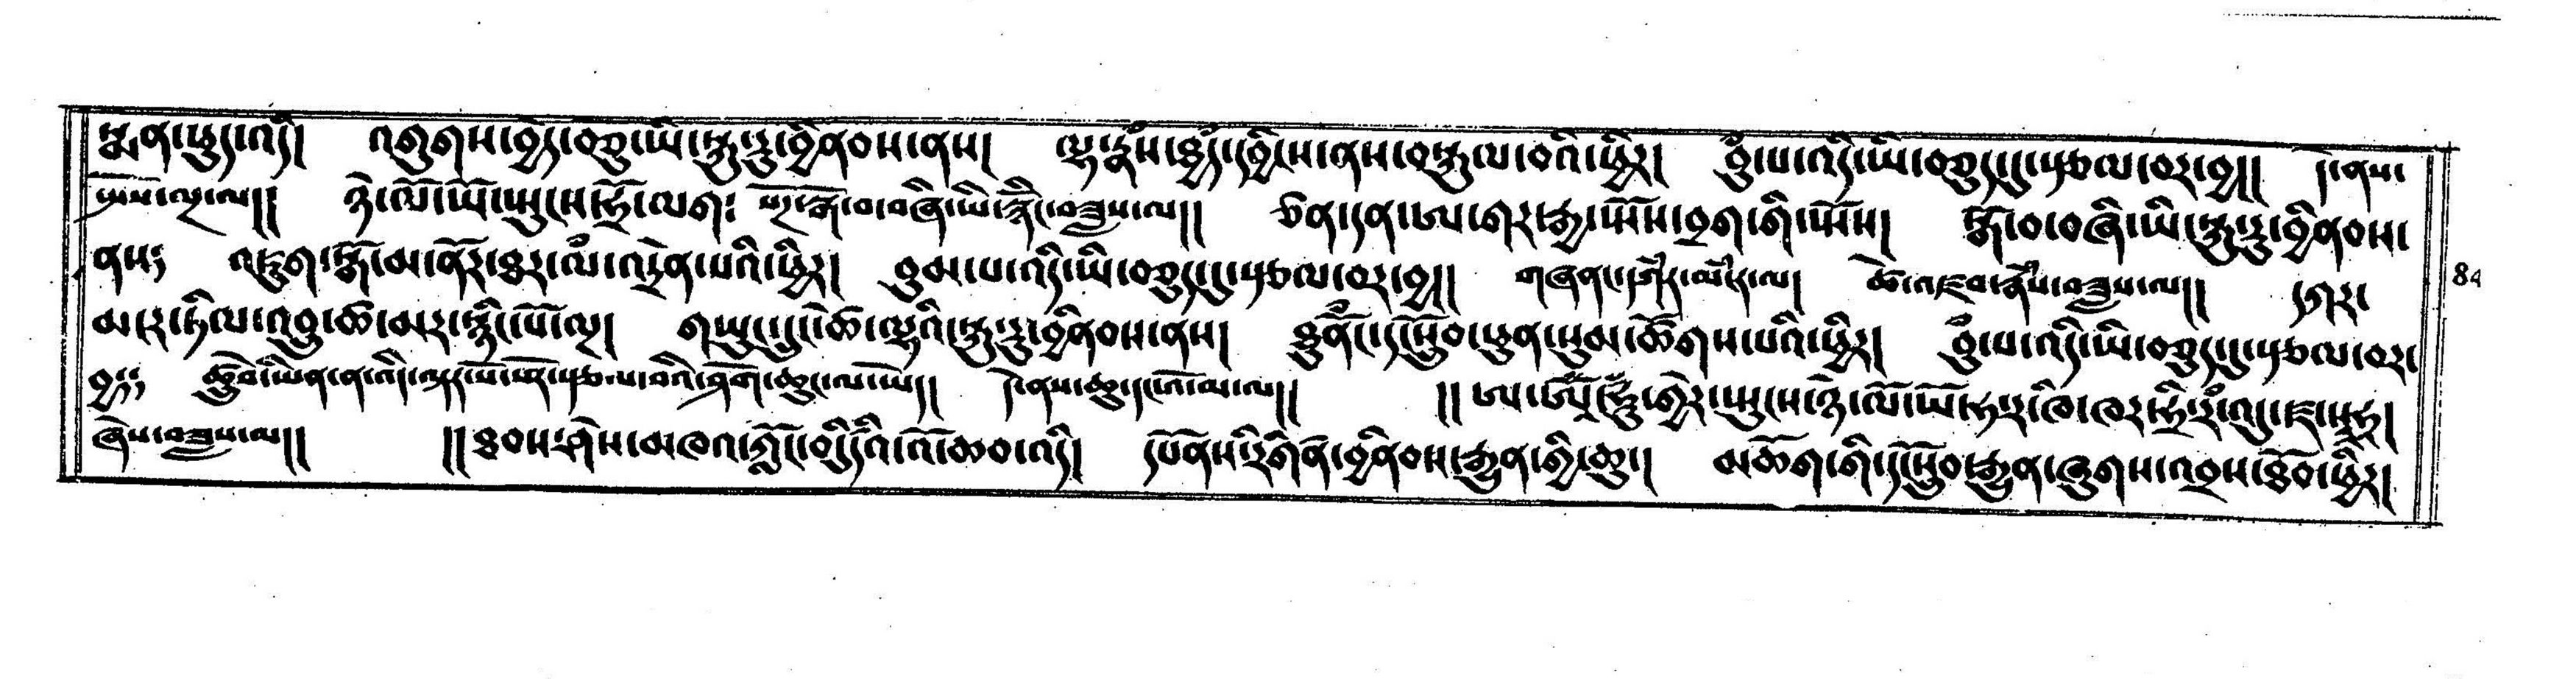སྨན་ཕུད་འདི། འགུགས་བྱེད་བཅུ་ཡི་སྐུ་རུ་བྱིན་རླབས་ནས། ལྷ་རྣམས་ཐུགས་དམ་དབྱིངས་ནས་བསྐུལ་བའི་ཕྱིར། བུམ་པ་འདི་ཡི་བཅུད་དུ་སྩལ་བར་བྱ།། དེ་ནས་
སྤོས་ལྔ་ལ།། ཉེ་ལོ་ཡོ་སྤུངས་ཧྲོ་ལག༴ སོགས་སྒོ་བ་བཞི་ཡི་སྙིང་པོ་བཟླས་ལ།། ཙན་དན་ཨ་གར་རྒྱ་སྤོས་བྲག་གི་སྤོས། སྒོ་བ་བཞི་ཡི་སྐུ་རུ་བྱིན་རླབས་
ནས། འཇུག་སྒོ་མ་ནོར་ཐར་ལམ་འདྲེན་པའི་ཕྱིར། བུམ་པ་འདི་ཡི་བཅུད་དུ་སྩལ་བར་བྱ།། གཞན་ཡང་དཀར་གསུམ་མངར་གསུམ་ལ། ཚེ་འཛབ་རྣམས་བཟླས་ལ།། དཀར་
མངར་ཏིལ་འབྲུ་ཚ་མར་སྙིང་པོ་ལྔ། གཡུང་དྲུང་ཚེ་ལྷའི་སྐུ་རུ་བྱིན་རླབས་ནས། ཐུན་མོང་དངོས་གྲུབ་ཕུན་སུམ་ཚོགས་པའི་ཕྱིར། བུམ་པ་འདི་ཡི་བཅུད་དུ་སྩལ་བར་
བྱ། ཚེ་སྒྲུབ་ཡིན་ན་འདི་ལྟར་སོ་སོར་སྩལ་བའི་ཤོག་ཆུང་ལ་ཡོད། དེ་ནས་ཆུ་དང་འོ་མ་ལ།། །།ཨ་ཨཱོཾ་ཧཱུྃ་གྱེར་སྤུངས་ཉེ་ལོ་ཡོ་ཧ་ར་ཁི་ཁར་ཧྲི་རཾ་འདུ་ཛ་སྭཱཧཱ། 
ཞེས་བཟླས་ལ།། །།ཐབས་ཤེས་མཁའ་ཀློང་བདུད་རྩིའི་འོ་ཆབ་འདི། དཔོན་གསས་རིག་འཛིན་བྱིན་རླབས་རྒྱུན་གྱི་ཆུ། མཆོག་གི་དངོས་གྲུབ་རྒྱུན་ཞུགས་འབྲས་ཐོབ་ཕྱིར།